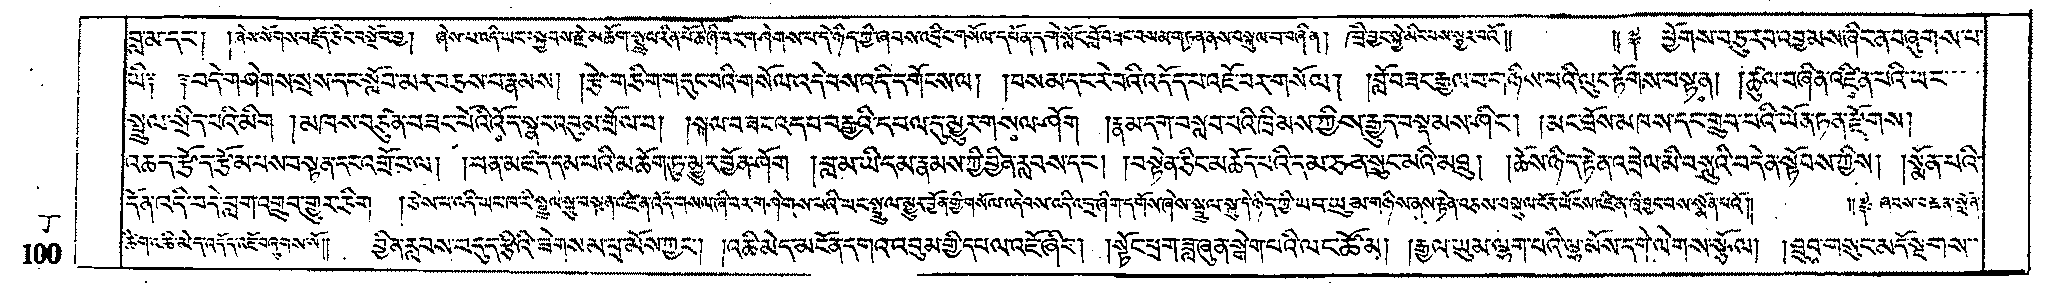བླ་མ་དང་། །ཞེས་སོགས་བརྗོད་ཅིང་བསྔོ་བ་བྱ། ཞེས་པ་འདི་ཡང ༧སྐྱབས་རྗེ་མཆོག་སྤྲུལ་རིན་པོ་ཆེ་ཞི་བར་གཤེགས་པ་དེ་ཉིད་ཀྱི་ཞབས་འབྲིང་གསོལ་དཔོན་དགེ་སློང་བློ་བཟང་བསམ་གཏན་བསྐུལ་བ་བཞིན། ཁྲི་བྱང་སྐྱེ་མིང་པས་སྦྱར་བའོ།།  །། འ་ཕྱོགས་བཅུ་རབ་འབྱམས་ཞིང་ན་བཞུགས་པ་
ཡི༑ ༑བདེ་གཤེགས་སྲས་དང་སློབ་མར་བཅས་པ་རྣམས། །རྩེ་གཅིག་གདུང་བའི་གསོལ་འདེབས་འདི་དགོངས་ལ། །བསམ་དང་རེ་བའི་འདོད་པ་འཇོ་བར་གསོལ། །བློ་བཟང་རྒྱལ་བ་གཉིས་པའི་ལུང་རྟོགས་བསྟན྾། །ཚུལ་བཞིན་འཛིན྾་པའི་ཡང་་་
སྤྲུལ་སྲིད་པའི་མིག །མཁས་བཙུན་བཟང་པོའི་འོད྾་སྣང་འབུམ་གྲོལ་བ། །སྐལ་བཟང་འདབ་བརྒྱའི་དཔལ་དུ་མྱུར་གསལ྾་ཤོག །རྣམ་དག་བསླབ་པའི་ཁྲིམས་ཀྱིས་རྒྱུད་བསྡམས་ཤིང་། །མང་ཐོས་མཁས་དང་གྲུབ་པའི་ཡོན་ཏན་རྫོགས།
འཆད་རྩོད་རྩོམ་པས་བསྟན་དང་འགྲོ་བ་ལ། །ཕན་མཛད་དམ་པའི་མཆོག་ཏུ་མྱུར་བྱོན་ཤོག །བླ་མ་ཡི་དམ་རྣམས་ཀྱི་བྱིན་རླབས་དང་། །བསྟེན་ཅིང་མཆོད་པའི་དམ་ཅན་སྲུང་མའི་མཐུ། །ཆོས་ཉིད་རྟེན་འབྲེལ་མི་བསླུའི་བདེན་སྟོབས་ཀྱིས། །སྨོན་པའི་
དོན་འདི་བདེ་བླག་འགྲུབ་གྱུར་ཅིག །ཅེས་པ་འདི་ཡང་ཁ་རི་སྤྲུལ་སྐུ་བསྟན་འཛིན་འོད་གསལ་ཞི་བར་གཤེགས་པའི་ཡང་སྤྲུལ་མྱུར་བྱོན་གྱི་གསོལ་འདེབས་འདི་འདྲ་ཞིག་དགོས་ཞེས་སྤྲུལ་སྐུ་དེ་ཉིད་ཀྱི་ཡབ་ཡུམ་གཉིས་ནས་རྟེན་བཅས་བསྐུལ་ངོར་ཡོངས་འཛིན་ཁྲི་བྱང་བས་སྨོན་པའོ།། །། འ་ཞབས་བརྟན་སྨོན་
ཚིག་འཆི་མེད་འདོད་འཇོ་བཞུགས་སོ།། བྱིན་རླབས་བདུད་རྩིའི་ཟེགས་མ་ཕྲ་མོས་ཀྱང་། །འཆི་མེད་མངོན་དགའ་འབུམ་གྱི་དཔལ་འཇོ་ཞིང་། །སྟོང་ཕྲག་ཟླ་ཞུན་སྒེག་པའི་ལང་ཚོམ། །རྒྱལ་ཡུམ་ལྷག་པའི་ལྷ་མོས་དགེ་ལེགས་སྩོལ། །ཐུབ྾་གསུང་མདོ་སྔགས་་་